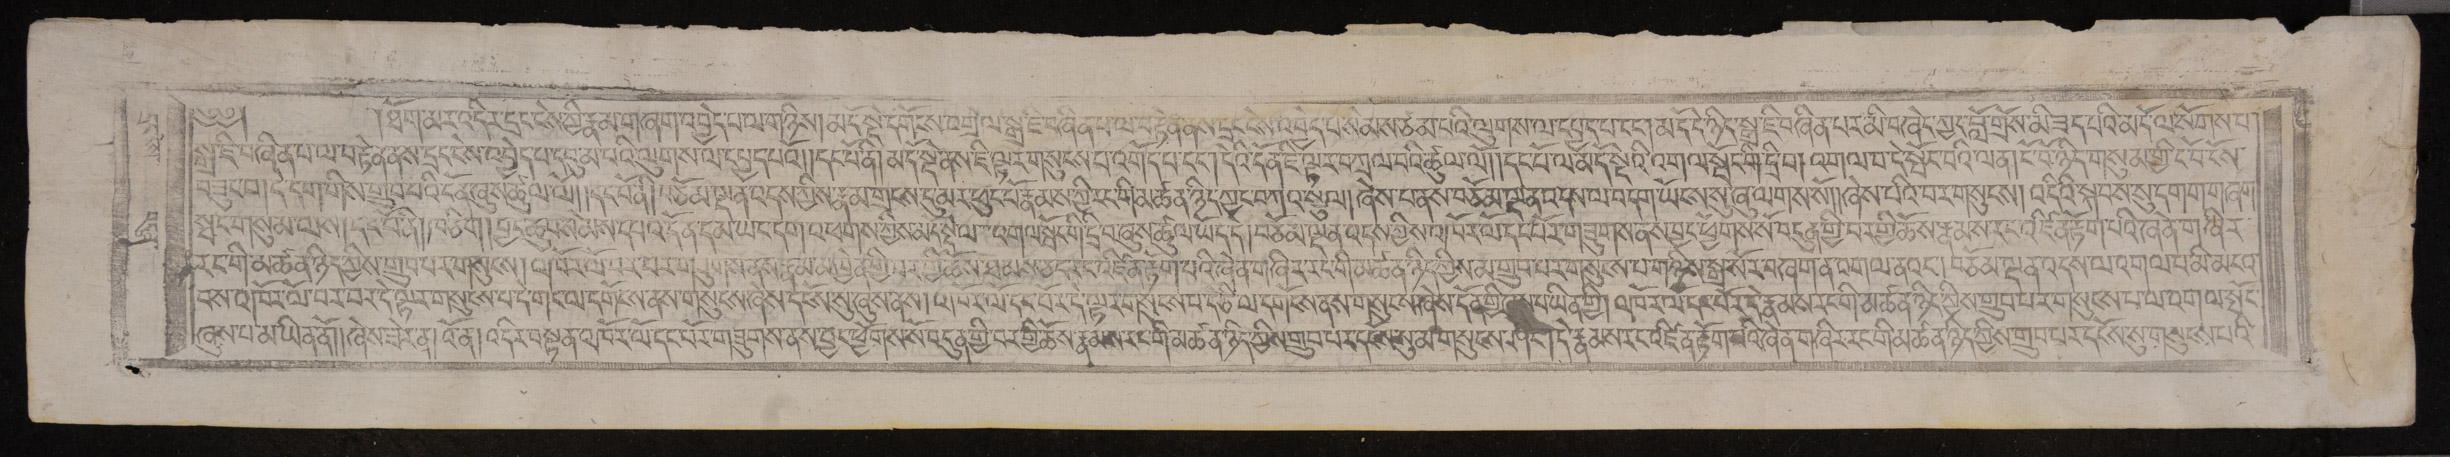༄༅། །ཐོག་མར་འདིར་དྲང་ངེས་ཀྱི་རྣམ་གཞག་འབྱེད་པ་ལ་གཉིས། མདོ་སྡེ་དགོངས་འགྲེལ་སྒྲ་ཇི་བཞིན་པ་ལ་བརྟེན་ནས་དྲང་ངེས་འབྱེད་པ་སེམས་ཙམ་པའི་ལུགས་ལ་དཔྱད་པ་དང་། མདོ་དེ་ཉིད་སྒྲ་ཇི་བཞིན་པར་མི་བཞེད་ཀྱང་བློ་གྲོས་མི་ཟད་པའི་མདོ་ལ་སོགས་པ་
སྒྲ་ཇི་བཞིན་བ་ལ་བརྟེན་ནས་དྲང་ངེས་འབྱེད་པ་དབུ་མ་པའི་ལུགས་ལ་དཔྱད་པའོ། །དང་པོ་ནི། མདོ་སྡེ་ནས་ཇི་ལྟར་གསུངས་པ་འགོད་པ་དང་། དེའི་དོན་ཇི་ལྟར་བཀྲལ་བའི་ཚུལ་ལོ། །དང་པོ་ལ་མདོ་སྡེའི་འགལ་སྤོང་གི་དྲི་བ། འགལ་བ་དེ་སྤོང་བའི་ལན། ངོ་བོ་ཉིད་གསུམ་གྱི་ངོ་བོ་ངོས་
བཟུང་བ། དེ་དག་གིས་གྲུབ་པའི་དོན་ཞུས་ཚུལ་ལོ། །དང་པོ་ནི། བཅོམ་ལྡན་འདས་ཀྱིས་རྣམ་གྲངས་དུ་མར་ཕུང་པོ་རྣམས་ཀྱི་རང་གི་མཚན་ཉིད་ཀྱང་བཀའ་སྩལ། ཞེས་པ་ནས་བཅོམ་ལྡན་འདས་ལ་བདག་ཡོངས་སུ་ཞུ་ལགས་སོ། །ཞེས་པའི་བར་གསུངས། འདིའི་སྐབས་སུ་དགག་གཞག་
སྤང་གསུམ་ལས། དང་པོ་ནི། ཁ་ཅིག། བྱང་ཆུབ་སེམས་དཔའ་དོན་དམ་ཡང་དག་འཕགས་ཀྱིས་མདོ་སྡེ་ལ་འགལ་སྤོང་གི་དྲི་བ་ཞུས་ཚུལ་ཡོད་དེ། བཅོམ་ལྡན་འདས་ཀྱིས་འཁོར་ལོ་དང་པོར་གཟུགས་ནས་བྱང་ཕྱོགས་སོ་བདུན་གྱི་བར་གྱི་ཆོས་རྣམས་རང་འཛིན་རྟོག་པའི་ཞེན་གཞིར་
རང་གི་མཚན་ཉིད་ཀྱིས་གྲུབ་པར་གསུངས། འཁོར་ལོ་བར་པར་གཟུགས་ནས་རྣམ་མཁྱེན་གྱི་བར་གྱི་ཆོས་ཐམས་ཅད་རང་འཛིན་རྟོག་པའི་ཞེན་གཞིར་རང་གི་མཚན་ཉིད་ཀྱིས་མ་གྲུབ་པར་གསུངས་པ་གཉིས་སྒྲ་སོར་བཞག་ན་འགལ་ནའང་། བཅོམ་ལྡན་འདས་ལ་འགལ་བ་མི་མངའ་
བས་འཁོར་ལོ་བར་བར་དེ་ལྟར་གསུངས་པ་དེ་གང་ལ་དགོངས་ནས་གསུངས་ཞེས་དངོས་སུ་ཞུས་ནས། འཁོར་ལོ་དང་པོར་དེ་ལྟར་གསུངས་པ་དེ་ཅི་ལ་དགོངས་ནས་གསུངས་ཞེས་དོན་གྱི་ཞུས་པ་ཡིན་གྱི། འཁོར་ལོ་དང་པོར་དེ་རྣམས་རང་གི་མཚན་ཉིད་ཀྱིས་གྲུབ་པར་གསུངས་པ་ལ་འགལ་སྤོང་
ཞུས་པ་མ་ཡིན་ནོ། །ཞེས་ཟེར་ན། འོ་ན། འདིར་བསྟན་འཁོར་ལོ་དང་པོར་གཟུགས་ནས་ཕྱད་ཕྱོགས་སོ་བདུན་གྱི་བར་གྱི་ཆོས་རྣམས་རང་གི་མཚན་ཉིད་ཀྱིས་གྲུབ་པར་དངོས་སུ་མ་གསུངས་ཤིང་། དེ་རྣམས་རང་འཛིན་རྟོག་པའི་ཞེན་གཞིར་རང་གི་མཚན་ཉིད་ཀྱིས་གྲུབ་པར་དངོས་སུ་གསུངས་པའི་